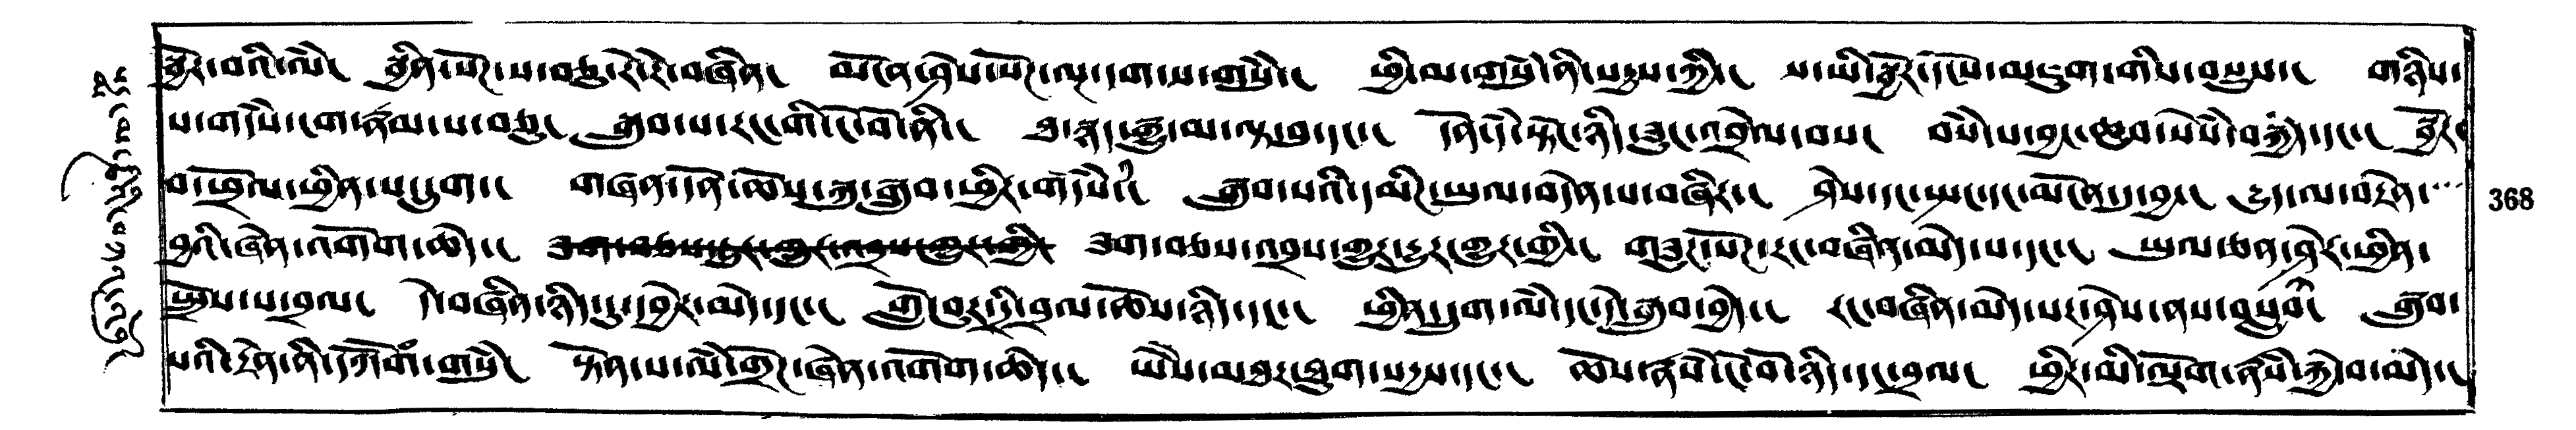སྦྱོར་བའི་ལམ། །སྦྱིན་སོགས་ས་བཅུ་རེ་རེ་བཞིན། །མངོན་ཤེས་སོགས་ལྔ་དག་པ་གསུམ། །ཕྱི་མ་གསུམ་ནི་སངས་རྒྱས་ཀྱི། །ས་ཡི་སྦྱོར་དངོས་མཇུག་གིས་བསྡུས། །གཉིས་
པ་གདམས་ངག་རྣམ་པ་བཅུ། །སྒྲུབ་པ་རང་གི་ངོ་བོ་ནི། །ཐ་སྙད་སྒྱུ་མ་ལྟ་བུ་དང་། །དོན་དམ་སྟོང་ཉིད་ཟུང་འབྲེལ་བས། །བསམ་པ་བྱང་ཆུབ་སེམས་བསྐྱེད་དང་། །སྦྱོར་
བ་ཕ་རོལ་ཕྱིན་པ་དྲུག།གཞན་དོན་ཆོས་སྐུ་སྒྲུབ་ཕྱིར་གདམས། །སྒྲུབ་པའི་དམིགས་ཡུལ་བདེན་པ་བཞིར། །ཤེས་དང་སྤང་དང་མངོན་དུ་བྱ། །རྒྱུད་ལ་བརྟེན་
བྱའི་ཞེན་འགོག་ཆེད། །ཟག་བཅས་འབྲས་གྱུར་རྒྱུར་གྱུར་གྱི། །གཟུགས་སོགས་རང་བཞིན་མེད་པ་དང་། །ཡུལ་ཅན་ཤེར་ཕྱིན་
སྤྲོས་པ་བྲལ། །དེ་བཞིན་ཉིད་དུ་དབྱེར་མེད་དང་། །གློ་བུར་དྲི་བྲལ་ཆོས་ཉིད་དང་། །ཕྱིན་དྲུག་ལམ་དང་དེ་སྒྲུབ་བྱེད། །རང་བཞིན་མེད་པར་ཤེས་ནས་བསླབ། །སྒྲུབ་
པའི་རྟེན་ནི་དཀོན་མཆོག་གསུམ། །སྟོན་པ་ལམ་གྲོགས་ཞེན་འགོག་ཆེད། །ཡེ་ཤེས་མཐར་ཐུག་སངས་རྒྱས་དང་། །ཆོས་རྣམས་ངོ་བོ་ཉིད་དང་བྲལ། །ཕྱིར་མི་ལྡོག་རྣམས་སྐྱེ་བ་མེད། །